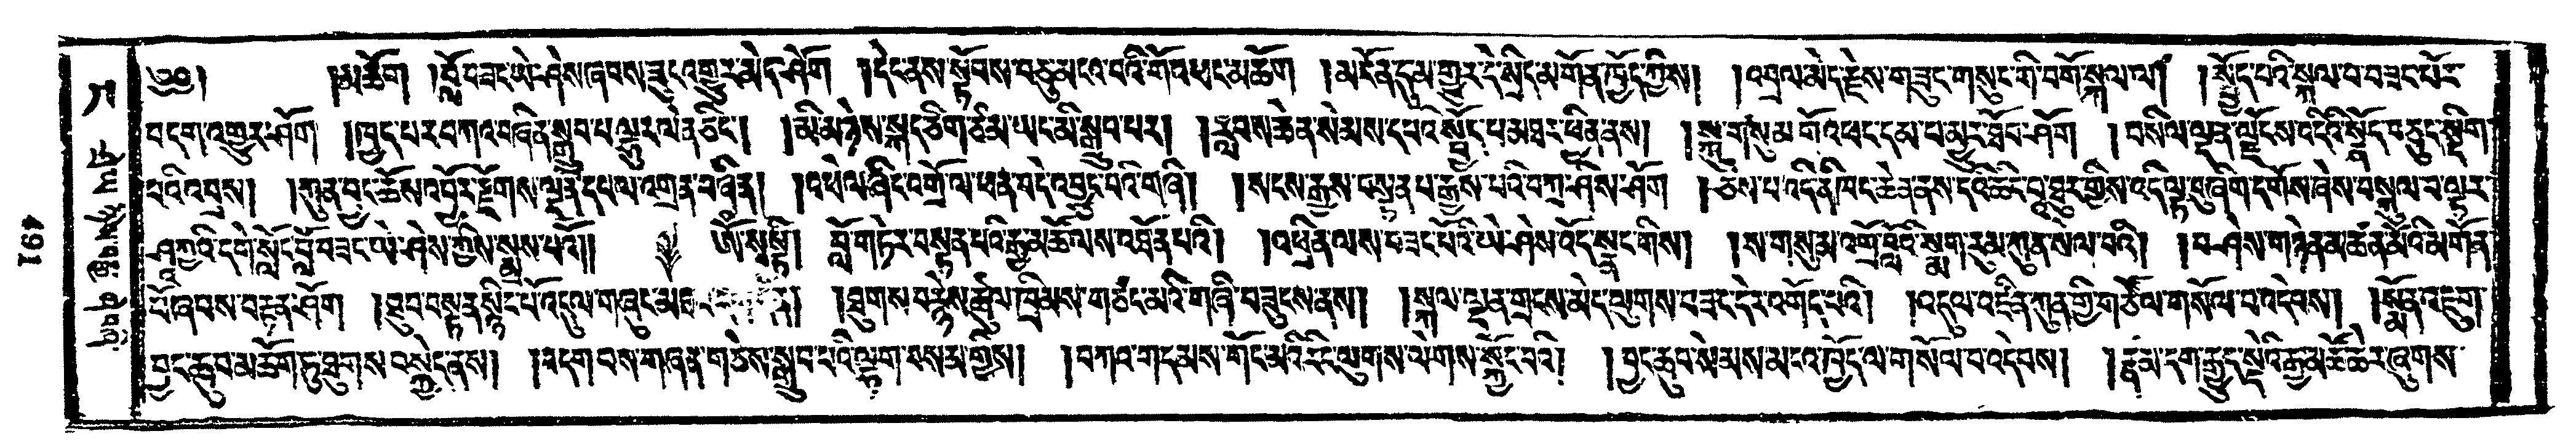༄༅། །མཆོག །བློ་བཟང་ཡེ་ཤེས་ཞབས་ཟུང་འགྱུར་མེད་ཤོག །དེང་ནས་སྟོབས་བཅུ་མངའ་བའི་གོ་འཕང་མཆོག །མངོན་དུ་མ་གྱུར་དེ་སྲིད་མགོན་ཁྱོད་ཀྱིས། །འབྲལ་མེད་རྗེས་གཟུང་གསུང་གི་བགོ་སྐལ་ལ། །སྤྱོད་པའི་སྐལ་བ་བཟང་པོར་
བདག་འགྱུར་ཤོག །ཁྱད་པར་བཀའ་བཞིན་སྒྲུབ་པ་ལྷུར་ལེན་ཅིང་། །མི་མཉེས་སྐད་ཅིག་ཙམ་ཡང་མི་སྒྲུབ་པར། །རླབས་ཆེན་སེམས་དཔའི་སྤྱོད་པ་མཐར་ཕྱིན་ནས། །སྐུ་གསུམ་གོ་འཕང་དམ་པ་མྱུར་ཐོབ་ཤོག །བསིལ་ལྡན་ལྗོངས་འདིའི་སྣོད་བཅུད་སྡིག་
པའི་འབྲས། །ཀུན་བྱང་ཆོས་འབྱོར་རྫོགས་ལྡན་དཔལ་འགྲན་བཞིན། །འཕེལ་ཞིང་འགྲོ་ལ་ཕན་བདེ་འབྱུང་བའི་གཞི། །སངས་རྒྱས་བསྟན་པ་རྒྱས་པའི་བཀྲ་ཤིས་ཤོག །ཅེས་པ་འདི་ནི་ཁང་ཆེན་ནས་དའི་ཆིང་བཱ་ཐུར་གྱིས་འདི་ལྟ་བུ་ཞིག་དགོས་ཞེས་བསྐུལ་བ་ལྟར་
ཤཱཀྱའི་དགེ་སློང་བློ་བཟང་ཡེ་ཤེས་ཀྱིས་སྨྲས་པའོ།། ༈ ཨོཾ་སྭསྟི། །བློ་གཏེར་བསྟན་པའི་རྒྱ་མཚོ་ལས་འཐོན་པའི། །འཕྲིན་ལས་བཟང་པོའི་ཡེ་ཤེས་འོད་སྣང་གིས། །ས་གསུམ་འགྲོ་བློའི་སྨག་རུམ་ཀུན་སེལ་བའི། །བཤེས་གཉེན་མཚན་མོའི་མགོན་
པོ་ཞབས་བརྟན་ཤོག །ཐུབ་བསྟན་སྙིང་པོ་འདུལ་གཞུང་མཐའ་དག་དོན། །ཐུགས་བརྙེས་ཚུལ་ཁྲིམས་གཙང་མའི་གཞི་བཟུངས་ནས། །སྐལ་ལྡན་གྲངས་མེད་ལུགས་བཟང་དེར་འགོད་པའི། །འདུལ་འཛིན་ཀུན་གྱི་གཙོལ་གསོལ་བ་འདེབས། །སྨོན་འཇུག་
བྱང་ཆུབ་མཆོག་ཏུ་ཐུགས་བསྐྱེད་ནས། །བདག་བས་གཞན་གཅེས་སྒྲུབ་པའི་ལྷག་བསམ་གྱིས། །བཀའ་གདམས་གོང་མའི་རིང་ལུགས་ལེགས་སྐྱོང་བའི། །བྱང་ཆུབ་སེམས་མངའ་ཁྱོད་ལ་གསོལ་བ་འདེབས། །རྣམ་དག་རྒྱུད་སྡེའི་རྒྱ་མཚོ་ཆེར་ཞུགས་